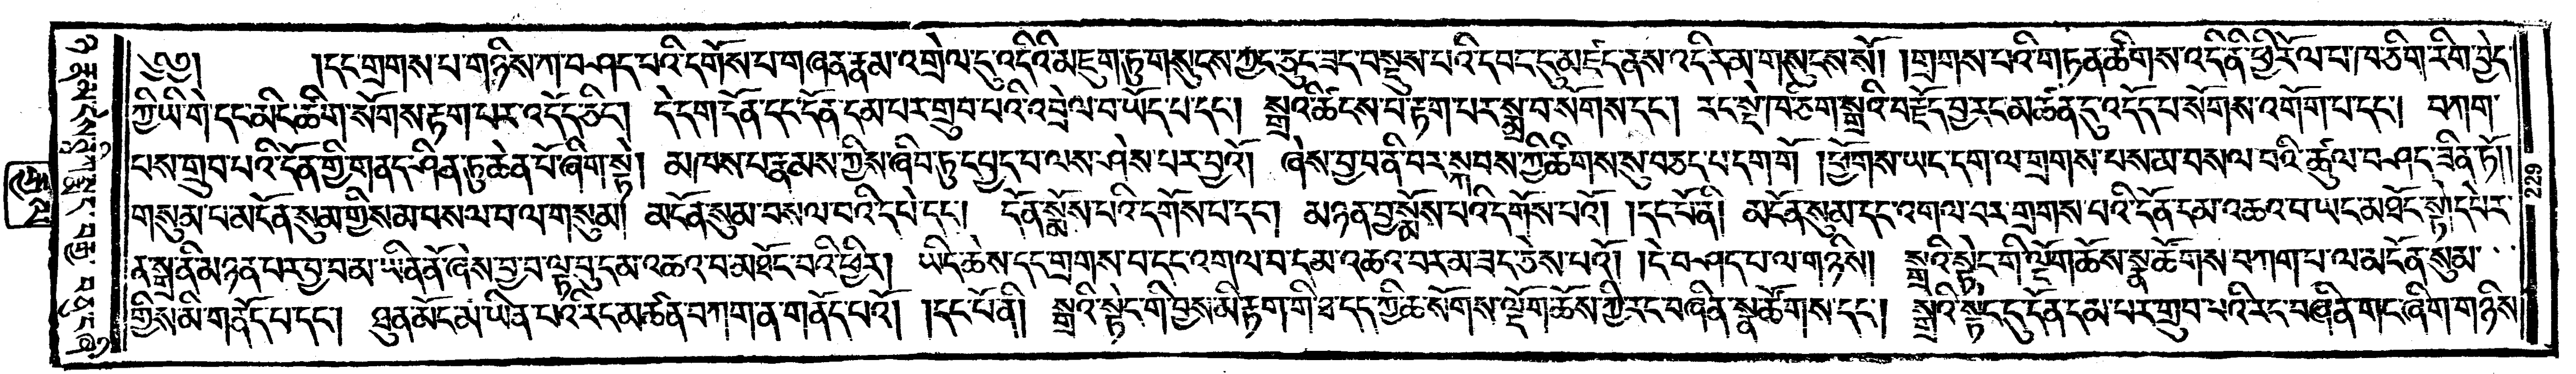༄༅། །དང་གྲགས་པ་གཉིས་ཀ་བཤད་པའི་དགོས་པ་གཞན་རྣམ་འགྲེལ་དུ་འདིའི་འཇུག་ཏུ་གསུངས་ཀྱང་ཅུང་ཟད་བསྡུས་པའི་དབང་དུ་མཛད་ནས་འདིར་མ་གསུངས་སོ། །གྲགས་པའི་གཏན་ཚིགས་འདི་ནི་ཕྱི་རོལ་པ་ཁ་ཅིག་རིག་བྱེད་
ཀྱི་ཡི་གེ་དང་མིང་ཚིག་སོགས་རྟག་པར་འདོད་ཅིང་། དེ་དག་དོན་དང་དོན་དམ་པར་གྲུབ་པའི་འབྲེལ་བ་ཡོད་པ་དང་། སྒྲའི་ཚིངས་པ་རྟག་པར་སྨྲ་བ་སོགས་དང་། རང་སྡེ་ཁ་ཅིག་སྒྲའི་བརྗོད་བྱ་རང་མཚན་དུ་འདོད་པ་སོགས་འགོག་པ་དང་། བཀག་
པས་གྲུབ་པའི་དོན་གྱི་གནད་ཤིན་ཏུ་ཆེན་པོ་ཞིག་སྟེ། མཁས་པ་རྣམས་ཀྱིས་ཞིབ་ཏུ་དཔྱད་པ་ལས་ཤེས་པར་བྱའོ། ཞེས་བྱ་བ་ནི་བར་སྐབས་ཀྱི་ཚིགས་སུ་བཅད་པ་དག་གོ། །ཕྱོགས་ཡང་དག་ལ་གྲགས་པས་མ་བསལ་བའི་ཚུལ་བཤད་ཟིན་ཏོ།།
གསུམ་པ་མངོན་སུམ་གྱིས་མ་བསལ་བ་ལ་གསུམ། མངོན་སུམ་བསལ་བའི་དཔེ་དང་། དོན་སྨོས་པའི་དགོས་པ་དང་། མཉན་བྱ་སྨོས་པའི་དགོས་པའོ། །དང་པོ་ནི། མངོན་སུམ་དང་འགལ་བར་གྲགས་པའི་དོན་དམ་འཆའ་བ་ཡང་མཐོང་སྟེ། དཔེར་
ན་སྒྲ་ནི་མཉན་པར་བྱ་བ་མ་ཡིན་ནོ་ཞེས་བྱ་བ་ལྟ་བུ་དམ་འཆའ་བ་མཐོང་བའི་ཕྱིར། ཡིད་ཆེས་དང་གྲགས་པ་དང་འགལ་བ་དམ་བའི་བར་མ་ཟད་ཅེས་པའོ། །དེ་བཤད་པ་ལ་གཉིས། སྒྲའི་སྟེང་གི་ལྡོག་ཆོས་སྣ་ཚོགས་བཀག་པ་ལ་མངོན་སུམ་
གྱིས་མི་གནོད་པ་དང་། ཐུན་མོང་མ་ཡིན་པའི་རང་མཚན་བཀག་ན་གནོད་པའོ། །དང་པོ་ནི། སྒྲའི་སྟེང་གི་བྱས་མི་རྟག་གི་ཐ་དད་ཀྱི་ཆ་སོགས་ལྡོག་ཆོས་ཀྱི་རང་བཞིན་སྣ་ཚོགས་དང་། སྒྲའི་སྟེང་དུ་དོན་དམ་པར་གྲུབ་པའི་རང་བཞིན་གང་ཞིག་གཉིས་